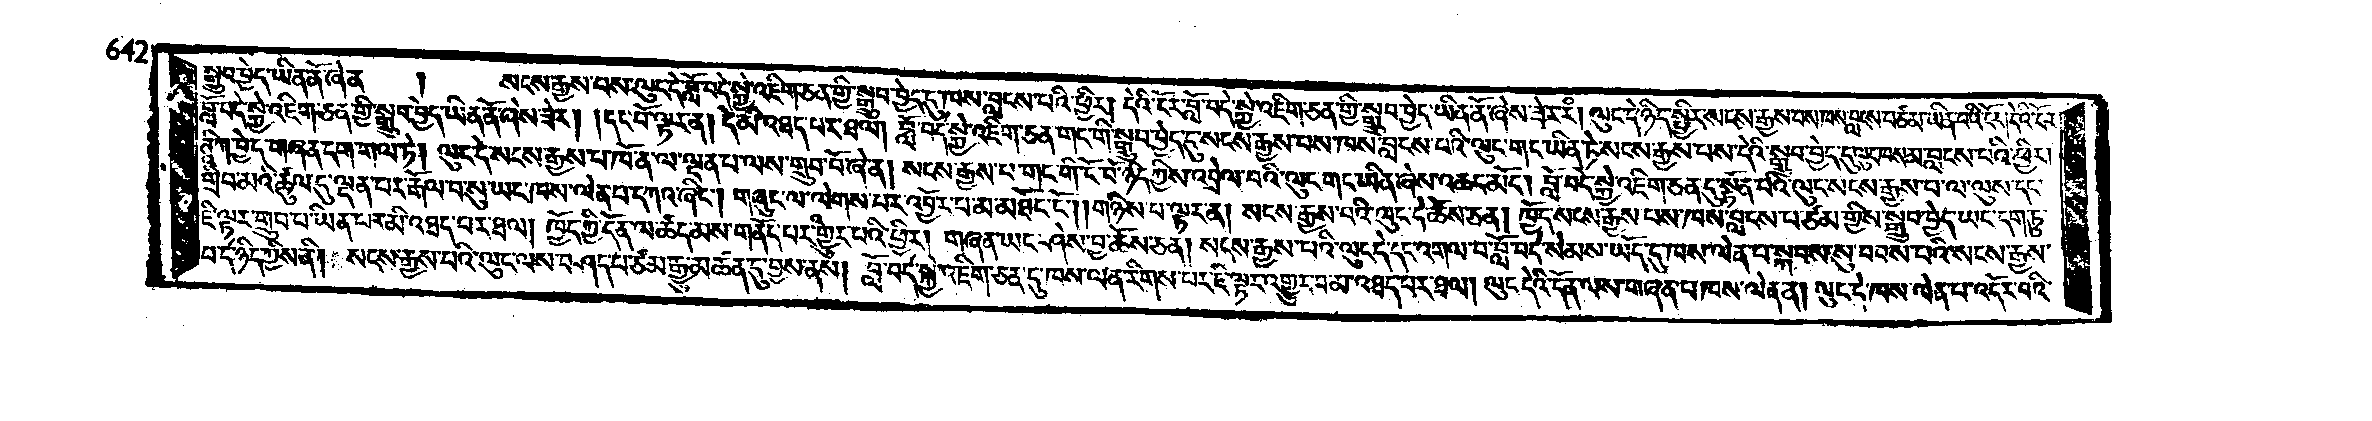སྒྲུབ་བྱེད་ཡིན་ནོ་ཞེ་ན། སངས་རྒྱས་པས་ལུང་དེ་བློ་བདེ་སྐྱེ་འཇིག་ཅན་གྱི་སྒྲུབ་བྱེད་དུ་ཁས་བླངས་པའི་ཕྱིར། དེའི་ངོར་བློ་བདེ་སྐྱེ་འཇིག་ཅན་གྱི་སྒྲུབ་བྱེད་ཡིན་ནོ་ཞེས་ཟེར་རམ། ལུང་དེ་ཉིད་སྤྱིར་སངས་རྒྱས་པས་ཁས་བླངས་པ་ཙམ་ཡིན་པའི་ངོར། དེའི་ངོར་
བློ་བདེ་སྐྱེ་འཇིག་ཅན་གྱི་སྒྲུབ་བྱེད་ཡིན་ནོ་ཞེས་ཟེར། །དང་པོ་ལྟར་ན། དེ་མི་འཐད་པར་ཐལ། བློ་བདེ་སྐྱེ་འཇིག་ཅན་གང་གི་སྒྲུབ་བྱེད་དུ་སངས་རྒྱས་པས་ཁས་བླངས་པའི་ལུང་གང་ཡིན་ཏེ་སངས་རྒྱས་པས་དེའི་སྒྲུབ་བྱེད་དུ་ལུང་ཁས་མ་བླངས་པའི་ཕྱིར།
ཊཱིཀ་བྱེད་གཞན་དག་གལ་ཏེ། ལུང་དེ་སངས་རྒྱས་པ་ཁོ་ན་ལ་ལྡན་པ་ལས་གྲུབ་པོ་ཞེ་ན། སངས་རྒྱས་པ་གང་གི་ངོ་བོ་ཉིད་ཀྱིས་འབྲེལ་བའི་ལུང་གང་ཡིན་ཞེས་འཆད་མོད། བློ་བདེ་སྐྱེ་འཇིག་ཅན་དུ་སྟོན་པའི་ལུང་སངས་རྒྱས་པ་ལ་ལུས་དང་
གྲིབ་མའི་ཚུལ་དུ་ལྡན་པར་རྒོལ་བ་སུ་ཡང་ཁས་ལེན་པ་དཀའ་ཞིང་། གཞུང་ལ་ལེགས་པར་འབྱོར་བ་མ་མཐོང་ངོ། །གཉིས་པ་ལྟར་ན། སངས་རྒྱས་པའི་ལུང་དེ་ཆོས་ཅན། ཁྱོད་སངས་རྒྱས་པས་ཁས་བླངས་པ་ཙམ་གྱིས་སྒྲུབ་བྱེད་ཡང་དག་ཏུ་
ཇི་ལྟར་གྲུབ་པ་ཡིན་པར་མི་འཐད་པར་ཐལ། ཁྱོད་ཀྱི་དོན་ལ་ཚད་མས་གནོད་པར་འགྱུར་བའི་ཕྱིར། གཞན་ཡང་ཤེས་བྱ་ཆོས་ཅན། སངས་རྒྱས་པའི་ལུང་དེ་དང་འགལ་བ་བློ་བདེ་སེམས་ཡོད་དུ་ཁས་ལེན་པ་སྐབས་སུ་བབས་པའི་སངས་རྒྱས་
པ་དེ་ཉིད་ཀྱིས་ནི། སངས་རྒྱས་པའི་ལུང་ལས་བཤད་པ་ཙམ་རྒྱུ་མཚན་དུ་བྱས་ནས། བློ་བདེ་སྐྱེ་འཇིག་ཅན་དུ་ཁས་ལེན་རིགས་པར་ཇི་ལྟར་འགྱུར་བ་མི་འཐད་པར་ཐལ། ལུང་དེའི་དོན་ལས་གཞན་པ་ཁས་ལེན་ན། ལུང་དེ་ཁས་ལེན་པ་འདོར་བའི་